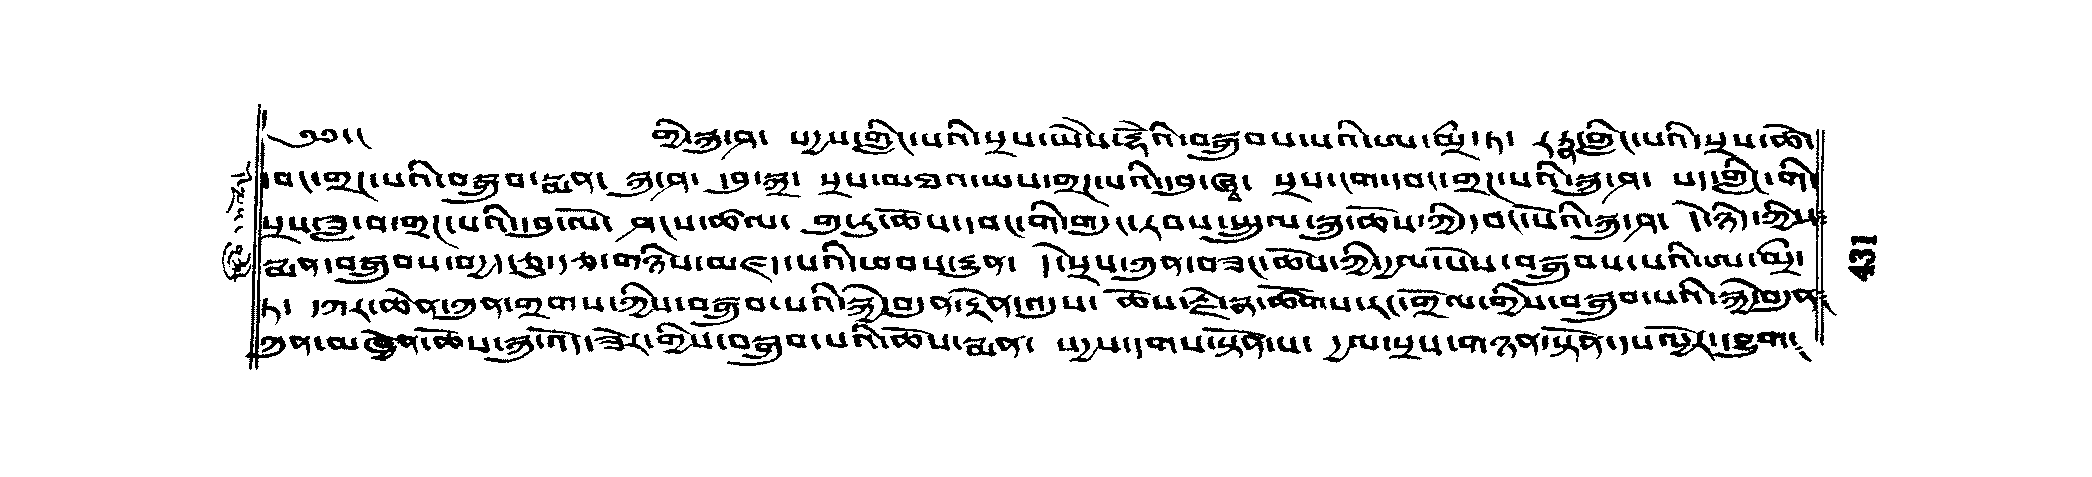གྱི་སྐུ་ཤ། སངས་རྒྱས་གླིང་པའི་སྲས་ཡེ་ཤེས་རྡོ་རྗེས་བསྒྲུབས་པའི་ཨ་མྲྀ་ཏ། རཏྣ་གླིང་པའི་སྲས་ཚེ་
དབང་གྲགས་པའི་སྒྲུབ་སྨན། སྐུ་ཤ། དབུ་སྐྲ། སྲས་མཐའ་ཡས་གྲགས་པའི་དབུ་ཞྭ། སྲས་ངག་དབང་གྲགས་པའི་སྐུ་ཤ། པད་གླིང་གི་
སྲས་ཟླ་བ་གྲགས་པའི་དབུ་ལོ། ཤངས་ཚལ། གུ་རུ་ཆོས་དབང་གི་གདུང་རབས་སྤྲུལ་སྐུ་ཆོས་ཀྱི་དབང་པོའི་སྐུ་ཤ། དེ་ཉིད་ཀྱིས་
སྨན་སྒྲུབ་བརྒྱད་ཅུ་རྩ་གཉིས་མཛད་པའི་ཕབས་རྒྱུན། དེ་སྲས་ཀུན་བཟང་ཆོས་ཀྱི་རྒྱལ་པོས་བསྒྲུབས་པའི་ཨ་མྲྀ་
ཏ། དཀར་ཆེན་ཀུན་གྲགས་ཀྱིས་བསྒྲུབས་པའི་སྐྱེ་བདུན་རྟེན་འདུས། ཆོས་རྗེ་སྣ་ཚོགས་རང་གྲོལ་གྱིས་བསྒྲུབས་པའི་སྐྱེ་བདུན། 
ཀུན་མཁྱེན་ཆོས་སྐུ་འོད་ཟེར་གྱིས་བསྒྲུབས་པའི་ཆོས་སྨན། སངས་རྒྱས་དྭགས་སྟོན་པ། རྒྱལ་སྲས་གཉན་སྟོན་དཔལ་འབྱོར་དབང་ཕྱུག